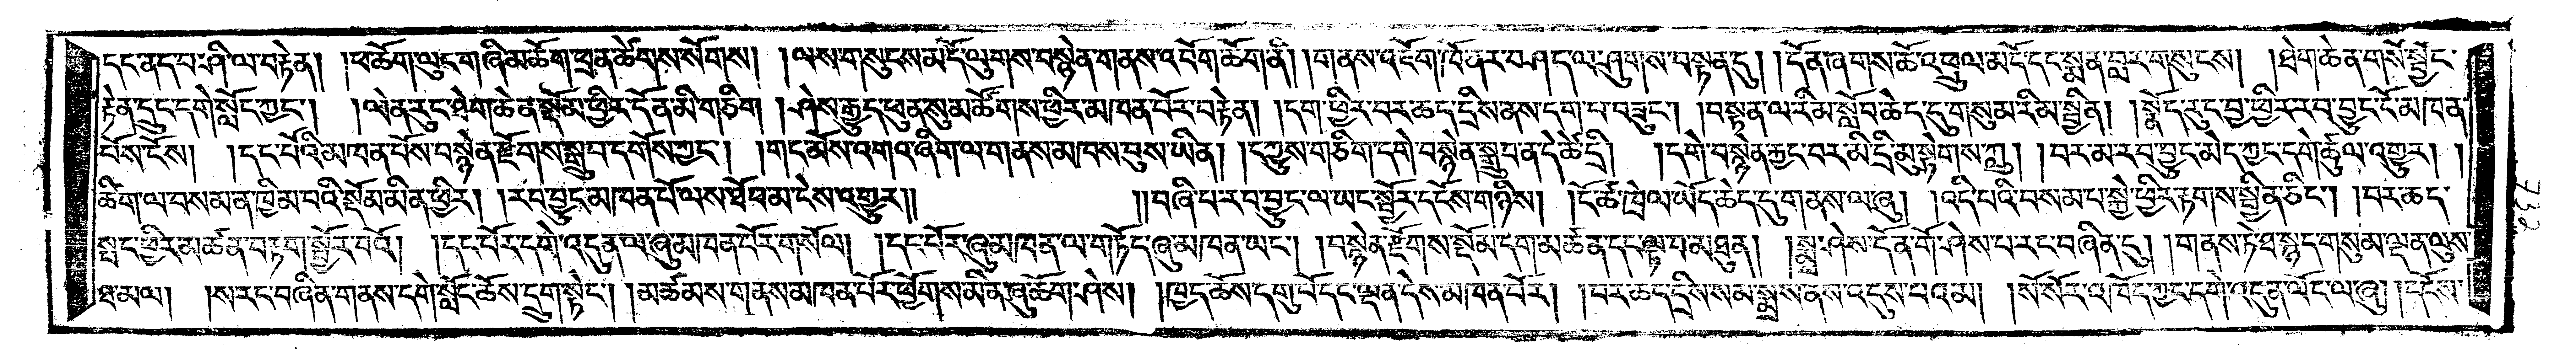དང་ནད་པ་ཤི་ལ་བརྟེན། །ཕ་ཆོག་ལུང་གཞི་མཆོག་ཕྲན་ཚེགས་སོགས། །ལས་གསུངས་མདོ་ལུགས་བསྙེན་གནས་འབོག་ཆོག་ནི། །གནས་འཇོག་ཁོ་ནར་བཤད་ལ་ཤུགས་བསྟན་དུ། །དོན་ཞགས་ཆོ་འཕྲུལ་མདོ་དང་སྨན་བླར་གསུངས། །ཐེག་ཆེན་གསོ་སྦྱོང་
རྟེན་དྲུང་དགེ་སློང་ཀྱང་། །ལེན་རུང་ཐེག་ཆེན་སྔོམ་ཕྱིར་དོན་མི་གཅིག །ཤེས་རྒྱུད་ཕུན་སུམ་ཚོགས་ཕྱིར་མཁན་པོར་བརྟེན། །དག་ཕྱིར་བར་ཆད་དྲིས་ནས་དག་པ་བཟུང་། །བསྟན་ལ་རིམ་སློབ་ཆེད་དུ་གསུམ་རིམ་སྦྱིན། །སྣོད་རུང་བྱ་ཕྱིར་རབ་བྱུང་ངོ་མཁན་
པས་ངོས། །དང་པོའི་མཁན་པོས་བསྙེན་རྫོགས་སྒྲུབ་དགོས་ཀྱང་། །གང་མོས་འགའ་ཞིག་ལ་གནས་མཁས་བུས་ཡིན། །དཀྱུས་གཅིག་དགེ་བསྙེན་སྒྲུབ་ན་དེ་ཚེ་དྲི། །དགེ་བསྙེན་རྐྱང་བར་མི་དྲི་མུ་སྟེགས་ཀླུ། །བར་མ་རབ་བྱུང་མེད་ཀྱང་དགེ་ཚུལ་འགྱུར། །
ཚིག་ལ་བསམ་ན་ཁྱིམ་པའི་སྡོམ་མིན་ཕྱིར། །རབ་བྱུང་མཁན་པོ་ལས་ཐོབ་མ་ངེས་འགྱུར།། །།བཞི་པ་རབ་བྱུང་ལ་ཡང་སྦྱོར་དངོས་གཉིས། །ངོ་ཚ་ཁྲེལ་ཡོད་ཆེད་དུ་གནས་ལ་ཞུ། །འདི་པའི་བསམ་པ་སྐྱེ་ཕྱིར་རྟགས་སྦྱིན་ཅིང་། །བར་ཆད་
སྤང་ཕྱིར་མཚན་བརྟག་སྦྱོར་བའོ། །དང་པོར་དགེ་འདུན་ལ་ཞུ་མཁན་པོར་གསོལ། །དང་པོར་ཞུ་མཁན་ལ་གཏོད་ཞུ་མཁན་ཡང་། །བསྙེན་རྫོགས་སྡོམ་དག་མཚན་དང་ལྟ་བ་མཐུན། །སྨྲ་ཤེས་དོན་གོ་ཤེས་པ་རང་བཞིན་དུ། །གནས་ཏེ་ཐ་སྙད་གསུམ་ལྡན་ལུས་
ཐ་མ་ལ། །ས་རང་བཞིན་གནས་དགེ་སློང་ཆོས་དྲུག་སྟེང་། །མཚམས་གནས་མཁན་པོར་ཕྱོགས་མིན་ཞུ་ཆོག་ཤེས། །ཁྱད་ཆོས་དགུ་པོ་དང་ལྡན་དེས་མཁན་པོར། །བར་ཆད་དྲིས་སམ་སྨྲས་ནས་འདུས་པའམ། །སོ་སོར་འཁོར་ཀྱང་དགེ་འདུན་ལོང་ལ་ཞུ། །དངོས་